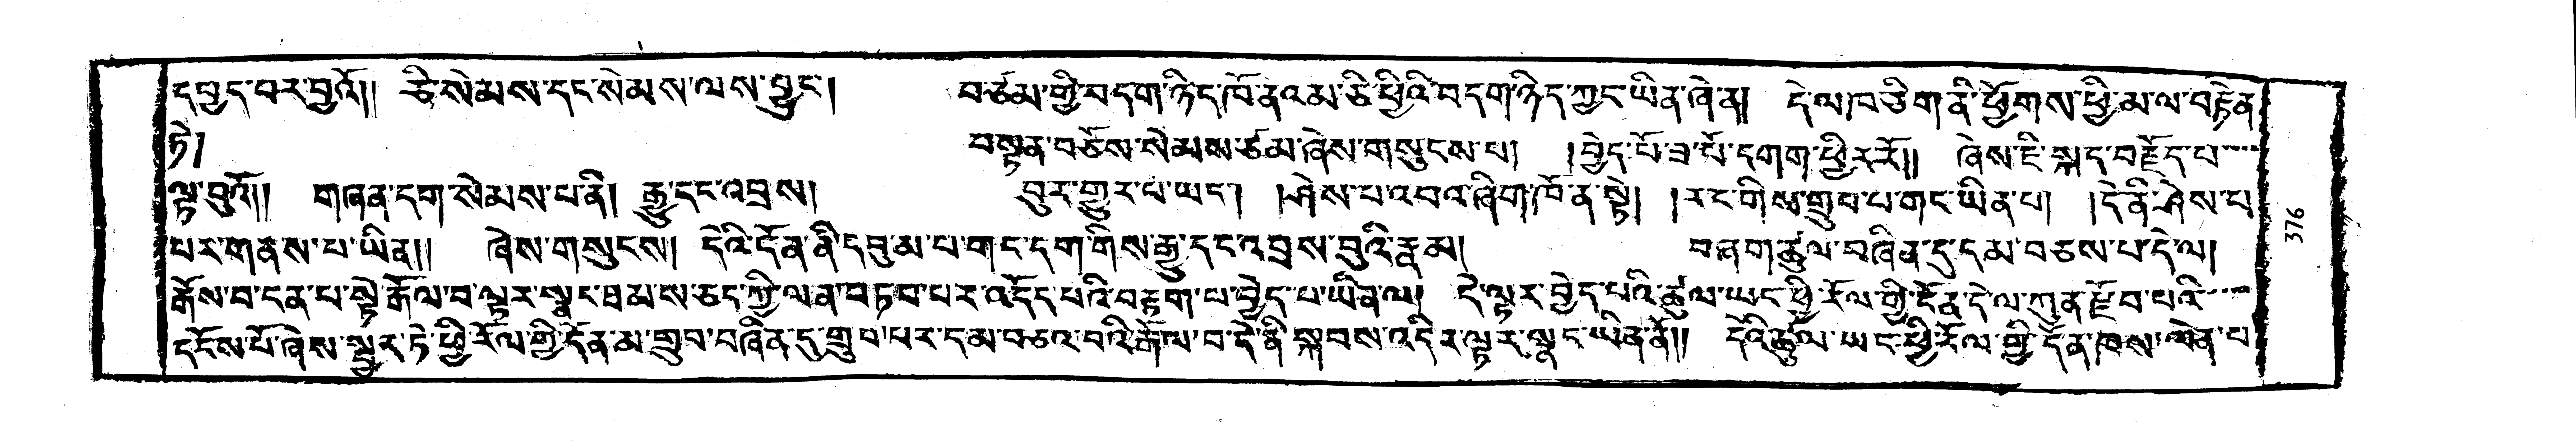དཔྱད་པར་བྱའོ། །ཅི་སེམས་དང་སེམས་ལས་བྱུང་། བ་ཙམ་གྱི་བདག་ཉིད་ཁོ་ནའམ་ཅི་ཕྱིའི་བདག་ཉིད་ཀྱང་ཡིན་ཞེ་ན། དེ་ལ་ཁ་ཅིག་ནི་ཕྱོགས་ཕྱི་མ་ལ་བརྟེན་
ཏེ། བསྟན་བཅོས་སེམས་ཙམ་ཞེས་གསུངས་པ། །བྱེད་པོ་ཟ་པོ་དགག་ཕྱིར་རོ། །ཞེས་ཇི་སྐད་བརྗོད་པ་
ལྟ་བུའོ། །གཞན་དག་སེམས་པ་ནི། རྒྱུ་དང་འབྲས། བུར་གྱུར་པ་ཡང་། །ཤེས་པ་འབའ་ཞིག་ཁོ་ན་སྟེ། །རང་གིས་གྲུབ་པ་གང་ཡིན་པ། །དེ་ནི་ཤེས་པ་
པར་གནས་པ་ཡིན། །ཞེས་གསུངས། དེའི་དོན་ནི་དབུ་མ་པ་གང་དག་གིས་རྒྱུ་དང་འབྲས་བུའི་རྣམ། བཞག་ཚུལ་བཞིན་དུ་དམ་བཅས་པ་དེ་ལ།
རྒོས་བ་ངན་པ་སྟེ་རྒོལ་བ་ལྟར་སྣང་ཐམས་ཅད་ཀྱི་ལན་བཏབ་པར་འདོད་པའི་བརྟག་པ་བྱེད་པ་ཡིན་ལ། དེ་ལྟར་བྱེད་པའི་ཚུལ་ཡང་ཕྱི་རོལ་གྱི་དོན་དེ་ལ་ཀུན་རྫོབ་པའི་
དངོས་པོ་ཞེས་སྦྱར་ཏེ་ཕྱི་རོལ་གྱི་དོན་མ་གྲུབ་བཞིན་དུ་གྲུབ་པར་དམ་བཅའ་བའི་རྒོལ་བ་དེ་ནི་སྐབས་འདིར་ལྟར་སྣང་ཡིན་ནོ། །དེའི་ཚུལ་ཡང་ཕྱི་རོལ་གྱི་དོན་ཁས་ལེན་པ་